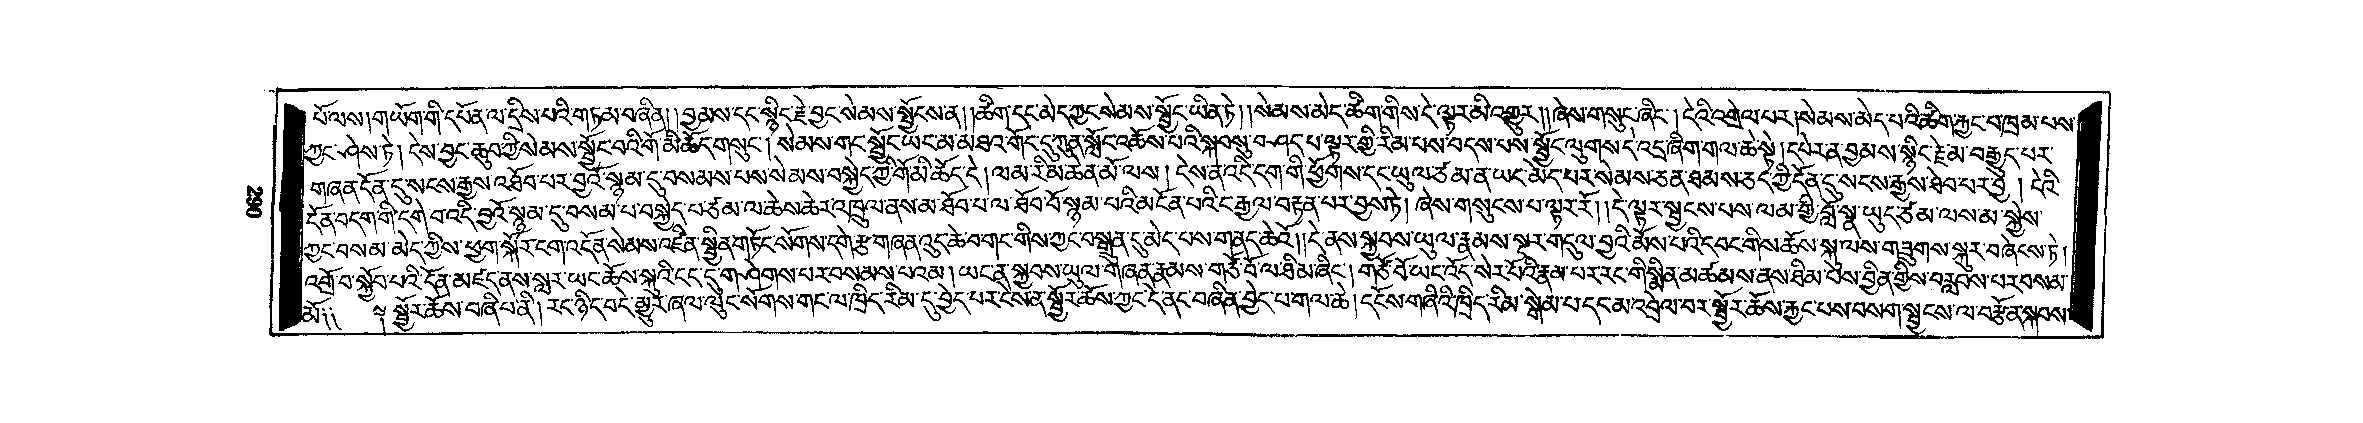པོ་ལས། གཡོག་གི་དཔོན་ལ་དྲིས་པའི་གཏམ་བཞིན། །བྱམས་དང་སྙིང་རྗེ་བྱང་སེམས་སྤྱོངས་ན། །ཚིག་དང་མེད་ཀྱང་སེམས་སྦྱོང་ཡིན་ཏེ། །སེམས་མེད་ཚིག་གིས་དེ་ལྟར་མི་འགྱུར། །ཞེས་གསུང་ཞིང་། དེའི་འགྲེལ་པར། སེམས་མེད་པའི་ཚིག་རྐྱང་པ་ཁྲམ་པས་
ཀྱང་ཤེས་ཏེ། དེས་བྱང་ཆུབ་ཀྱི་སེམས་སྦྱོང་བའི་གོ་མི་ཆོད་གསུང་། སེམས་གང་སྦྱོང་ཡང་མ་མཐའ་གོང་དུ་ཀུན་སློང་འཆོས་པའི་སྐབས་སུ་བཤད་པ་ལྟར་གྱི་རིམ་པས་བདས་པས་སྦྱོང་ལུགས་དེ་འདྲ་ཞིག་གལ་ཆེ་སྟེ། དཔེར་ན་བྱམས་སྙིང་རྗེ་མ་བརྒྱུད་པར་
གཞན་དོན་དུ་སངས་རྒྱས་འཐོབ་པར་བྱའོ་སྙམ་དུ་བསམས་པས་སེམས་བསྐྱེད་ཀྱི་གོ་མི་ཆོད། ལམ་རིམ་ཆེན་མོ་ལས། དེས་ན་འདི་དག་གི་ཕྱོགས་དང་ཡུལ་ཙམ་ན་ཡང་མེད་པར་སེམས་ཅན་ཐམས་ཅད་ཀྱི་དོན་དུ་སངས་རྒྱས་ཐེབ་པར་བྱ། དེའི་
དོན་བདག་གི་དགེ་བ་འདི་བྱའོ་སྙམ་དུ་བསམ་པ་བསྐྱེད་པ་ཙམ་ལ་ཆེས་ཆེར་འཁྲུལ་ནས་མ་ཐོབ་པ་ལ་ཐོབ་བོ་སྙམ་པའི་མངོན་པའི་ང་རྒྱལ་བརྟན་པར་བྱས་ཏེ། ཞེས་གསུངས་པ་ལྟར་རོ། །དེ་ལྟར་སྦྱངས་པས་ལམ་གྱི་བློ་སྣ་ཡུད་ཙམ་ལས་མ་སྐྱེས་
ཀྱང་བསམ་མེད་ཀྱིས་ཕྱག་སྐོར་ངག་འདོན་སེམས་འཛིན་སྦྱིན་གཏོང་སོགས་དགེ་རྩ་གཞན་འུད་ཆེ་བ་གང་གིས་ཀྱང་བསྒྲུན་དུ་མེད་པས་གནད་ཆེའོ། །དེ་ནས་སྐྱབས་ཡུལ་རྣམས་སྔར་གདུལ་བྱའི་མོས་པའི་དབང་གིས་ཆོས་སྐུ་ལས་གཟུགས་སྐུར་བཞེངས་ཏེ།
འགྲོ་བ་སྐྱོབ་པའི་དོན་མཛད་ནས་སླར་ཡང་ཆོས་སྐུའི་ངང་དུ་གཤེགས་པར་བསམས་པའམ། ཡང་ན་སྐྱབས་ཡུལ་གཞན་རྣམས་གཙོ་བོ་ལ་ཐིམ་ཞིང་། གཙོ་བོ་ཡང་འོད་སེར་པོའི་རྣམ་པར་རང་གི་སྨིན་མཚམས་ནས་ཐིམ་པས་བྱིན་གྱིས་བརླབས་པར་བསམ་
མོ། །སྦྱོར་ཆོས་བཞི་པ་ནི། རང་ཉིད་བདེ་མྱུར་ཞལ་ལུང་སོགས་གང་ལ་ཁྲིད་རིམ་དུ་བྱེད་པར་ངེས་ན་སྦྱོར་ཆོས་ཀྱང་དེ་ནང་བཞིན་བྱེད་པ་གལ་ཆེ། དངོས་གཞིའི་ཁྲིད་རིམ་སྒེམ་པ་དང་མ་འབྲེལ་བར་སྦྱོར་ཆོས་རྐྱང་པས་བསག་སྦྱངས་ལ་བརྩོན་སྐབས་